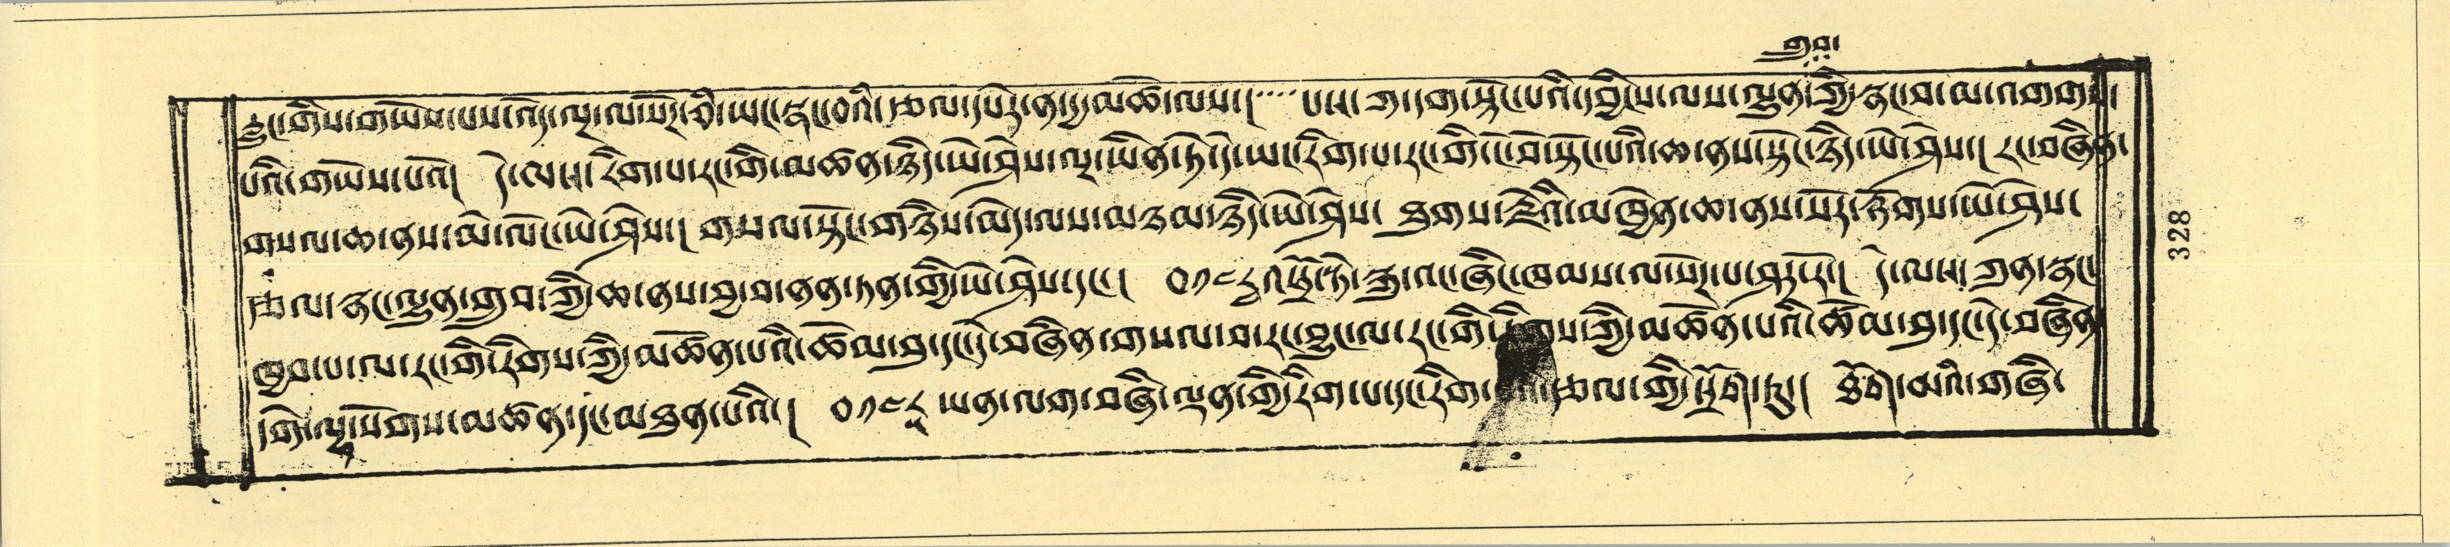རླུང་གིས་གཡོས་པས་འོད་ལྔ་ལ་སོགས་ ༼ཅི་ཡང་སྣང་བའི་༽རྩལ་དཔེར་ན་རྒྱ་མཚོ་ལས། ༼པས་༽ཀ་དག་སྟོང་པའི་དབྱིངས་ལས་ལྷུན་གྲུབ་ཀྱི་སྣང་བ་མ་འགགས་
པའི་གཡོས་པའོ། ༼དེ་ལས་༽རིག་པ་རང་གི་མཚན་ཉིད་ཡེ་ཤེས་ལྔ་ཡིན་ཏེ་དེ་ཡང་རིག་པ་རང་གི་ངོ་བོ་སྟོང་པའི་ཆ་ནས་སྟོང་ཉིད་ཡེ་ཤེས། རང་བཞིན་
གསལ་ཆ་ནས་མེ་ལོང་ཡེ་ཤེས། གསལ་སྟོང་གཉིས་མེད་ལས་མཉམ་ཉིད་ཡེ་ཤེས། ཐུགས་རྗེའི་མཁྱེན་ཆ་ནས་སོར་རྟོགས་ཡེ་ཤེས་
རྩལ་སྣང་ལྷུན་གྲུབ་ཀྱི་ཆ་ནས་བྱ་བ་ནན་ཏན་གྱི་ཡེ་ཤེས་དང། བ༡༤༨།༤ ༼འཕྲོ་ཏེ་༽སྐུ་འང་ཞིང་ཁམས་ལ་སོགས་པ་ཤར་རོ། ༼དེ་ལས་༽ཀུན་སྣང་
ཁྱབ་པ་ལ་རང་གི་རིགས་ཀྱི་མཚོན་པའི་ཚོམ་བུ་དང་དེ་བཞིན་གསལ་བ་རང་བྱུང་ལ་རང་གི་རིགས་ཀྱི་མཚོན་པའི་ཚོམ་བུ་དང་དེ་བཞིན་
དགེ་ལྷ་སོགས་མཚན་དང་མཐུན་པའི། བ༡༤༨།༥ ཡན་ལག་བཞི་ལྡན་གྱི་རིག་པ་དང་རིག་པའི་རྩལ་གྱི་ ༼སྲོག་ཏུ་༽ ༼ཐོག་མའི་༽གཞི་